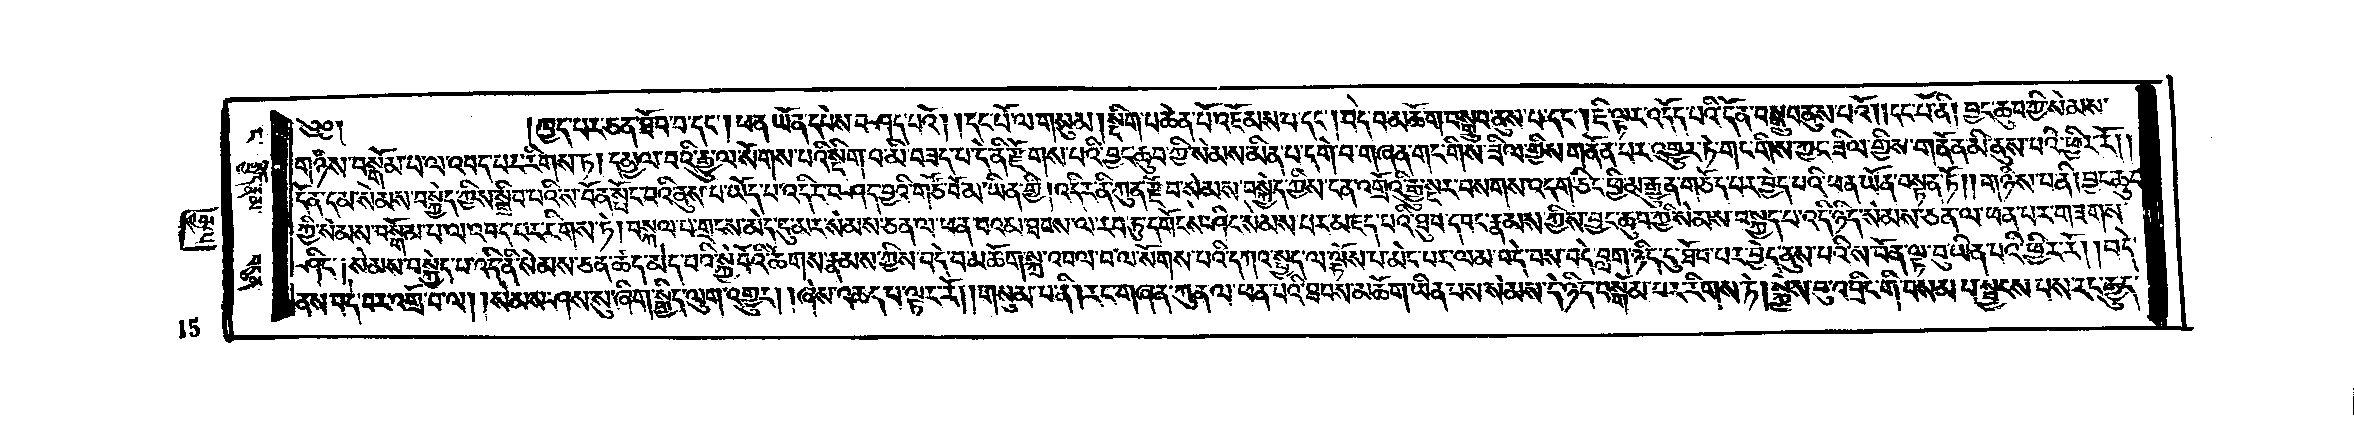༄༅། །ཁྱད་པར་ཅན་ཐོབ་པ་དང་། ཕན་ཡོན་དཔེས་བཤད་པའོ། །དང་པོ་ལ་གསུམ། སྡིག་པ་ཆེན་པོ་འཇོམས་པ་དང་། བདེ་བ་མཆོག་བསྒྲུབ་ནུས་པ་དང་། ཇི་ལྟར་འདོད་པའི་དོན་བསྒྲུབ་ནུས་པའོ། །དང་པོ་ནི། བྱང་ཆུབ་ཀྱི་སེམས་
གཉིས་བསྒོམ་པ་ལ་འབད་པར་རིགས་ཏེ། དམྱལ་བའི་རྒྱུ་ལ་སོགས་པའི་སྡིག་པ་མི་བཟད་པ་དེ་ནི་རྫོགས་པའི་བྱང་ཆུབ་ཀྱི་སེམས་མིན་པ་དགེ་བ་གཞན་གང་གིས་ཟིལ་གྱིས་གནོན་པར་འགྱུར་ཏེ་གང་གིས་ཀྱང་ཟིལ་གྱིས་གནོན་མི་ནུས་པའི་ཕྱིར་རོ། །
དོན་དམ་སེམས་བསྐྱེད་ཀྱིས་སྒྲིབ་པའི་ས་བོན་སྤོང་བའི་ནུས་པ་ཡོད་པ་འདིར་བཤད་བྱའི་གཙོ་བོ་མ་ཡིན་གྱི་།འདིར་ནི་ཀུན་རྫོབ་སེམས་བསྐྱེད་ཀྱིས་ངན་འགྲོའི་རྒྱུ་སྔར་བསགས་བདག་ཅིང་ཕྱི་མ་རྒྱུན་གཅོད་པར་བྱེད་པའི་ཕན་ཡོན་བསྟན་ཏོ། །གཉིས་པ་ནི། བྱང་ཆུབ་
ཀྱི་སེམས་བསྒོམ་པ་ལ་འབད་པར་རིགས་ཏེ། བསྐལ་པ་གྲངས་མེད་དུ་མར་སེམས་ཅན་ལ་ཕན་པའམ་ཐབས་ལ་རབ་ཏུ་དགོངས་ཤིང་སེམས་པར་འཛད་པའི་ཐུབ་དབང་རྣམས་ཀྱིས་བྱང་ཆུབ་ཀྱི་སེམས་བསྐྱེད་པ་འདི་ཉིད་སེམས་ཅན་ལ་ཕན་པར་གཟུགས་
ཤིང༑ སེམས་བསྐྱེད་པ་འདི་ནི་སེམས་ཅན་ཚད་མེད་པའི་སྐྱེ་བོའི་ཚོགས་རྣམས་ཀྱིས་བདེ་བ་མཆོག་སྐྲ་འབྲལ་བ་ལ་སོགས་པའི་དཀའ་སྤྱད་ལ་ལྟོས་པ་མེད་པར་ལམ་བདེ་བས་བདེ་བླག་ཉིད་དུ་ཐོབ་པར་བྱེད་ནུས་པའི་ས་བོན་ལྟ་བུ་ཡིན་པའི་ཕྱིར་རོ། །བདེ་
ནས་བདེ་བར་འགྲོ་བ་ལ། །སེམས་ཤས་སུ་ཞིག་སྒྱུད་ལུག་འགྱུར། །ཞེས་འཆད་པ་ལྟར་རོ། །གསུམ་པ་ནི། རང་གཞན་ཀུན་ལ་ཕ་པའི་ཐབས་མཆོག་ཡིན་པས་སེམས་དེ་ཉིད་བསྒོམ་པར་རིགས་ཏེ། སྐྱེས་བུ་འབྲིང་གི་བསམ་པ་སྦྱངས་པས་རང་རྒྱུད་